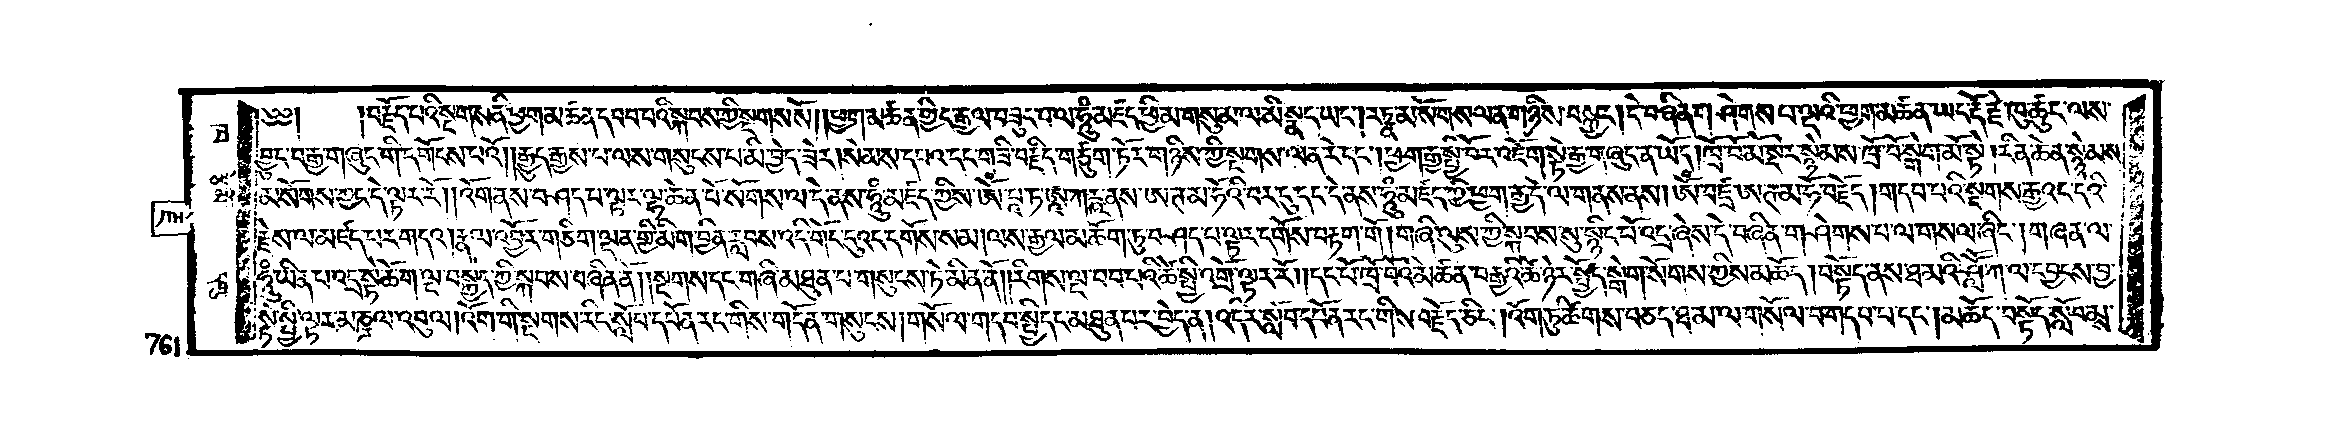༄༅། །བརྗོད་པའི་སྔགས་ནི་ཕྱག་མཚན་དབབ་པའི་སྐབས་ཀྱི་སྔགས་སོ། །ཕྱག་མཚན་གྱི་ང་རྒྱལ་བཟུང་བ་ལ་ཧཱུཾ་མཛད་ཕྱི་མ་གསུམ་ལ་མི་སྣང་ཡང་། རཏྣ་མ་སོགས་ལན་གཉིས་བསྐྱར། དེ་བཞིན་གཤེགས་པ་ལྔའི་ཕྱག་མཚན་ཡང་རྡོ་རྗེ་ཁུ་ཚུང་ལས་
བྱུང་བ་རྒྱ་གཞུང་གི་དགོངས་པའོ། །རྒྱུད་རྒྱས་པ་ལས་གསུངས་པ་མི་བྱེད་ཟེར། སེམས་དཔའ་དང་གཟི་བརྗིད་གཙུག་ཏོར་གཉིས་ཀྱི་སྔགས་ལན་རེ་དང་། ཕྱག་རྒྱ་སྤྱི་བོར་འཇོག་སྟེ་རྒྱ་གཞུང་ན་ཡོད། ཁྲོ་བོ་མོ་སྡེར་སྙེམས་ཁྲོ་བོ་སྒེག་མོ་སྟེ། རིན་ཆེན་སྙེམས་
མ་སོགས་ཀྱང་དེ་ལྟར་རོ། །འོག་ནས་བཤད་པ་ལྟར་ལྷ་ཆེན་པོ་སོགས་ལ་དེ་ནས་ཧཱུཾ་མཛད་ཀྱིས་ཨོཾ་པཱ་ཏ་ཨཱ་ཀརྵ་ནས་ཨ་ཊ་མ་ཧོའི་བར་དུ་དང་དེ་ནས་ཧཱུཾ་མཛད་ཀྱི་ཕྱག་རྒྱ་དེ་ལ་གནས་ནས། ཨོཾ་བཛྲ་ཨ་ཊ་མ་ཧོ་བརྗོད། གདབ་པའི་སྔགས་རྒྱའང་དེའི་
རྗེས་ལ་མཛད་པར་གདའ། རྣལ་འབྱོར་གཅིག་ལྡན་གྱི་མིག་བྱིན་རླབས་འདི་གོང་དུའང་དགོས་སམ། ལས་རྒྱལ་མཆོག་ཏུ་བཤད་པ་ལྟར་དགོས་བརྟག་གོ །གཞི་ལུས་ཀྱི་སྐབས་སུ་སྙིང་པོ་འདྲ་ཞེས་དེ་བཞིན་གཤེགས་པ་ལ་གསལ་ཞིང་། གཞན་ལ་
ཧཱུཾ་ཡིན་པ་འདྲ་སྟེ་ཆོ་ག་ལྔ་བསྐྱེད་ཀྱི་སྐབས་བཞིན་ནོ། །སྔགས་དང་གཞི་མཐུན་པ་གསུངས་ཏེ་མིན་ནོ། །རིགས་ལྔ་བབ་པའི་ཚེ་སྤྱི་འགྲོ་ལྟར་རོ། །དང་པོ་ཁྲོ་བོའི་མཚན་བརྒྱའི་ཚེ་ཉེར་སྤྱོད་སྒེག་སོགས་ཀྱིས་མཆོད། བསྟོད་ནས་ཐ་མའི་ཤླཽ་ཀ་ལ་དབྱངས་བྱ་
སྟེ་སྤྱི་ལྟར་མཎྜལ་འབུལ། འོག་གི་སྔགས་རིང་སློབ་དཔོན་རང་གིས་གདོན་གསུངས། གསོལ་གདབ་སྤྱི་དང་མཐུན་པར་བྱེད་ན། འདིར་སློབ་དཔོན་རང་གིས་བརྗོད་ཅིང་། འོག་ཏུ་ཚིགས་བཅད་ཐ་མ་ལ་གསོལ་བ་གདབ་པ་དང་། མཆོད་བསྟོད་སློབ་མས་